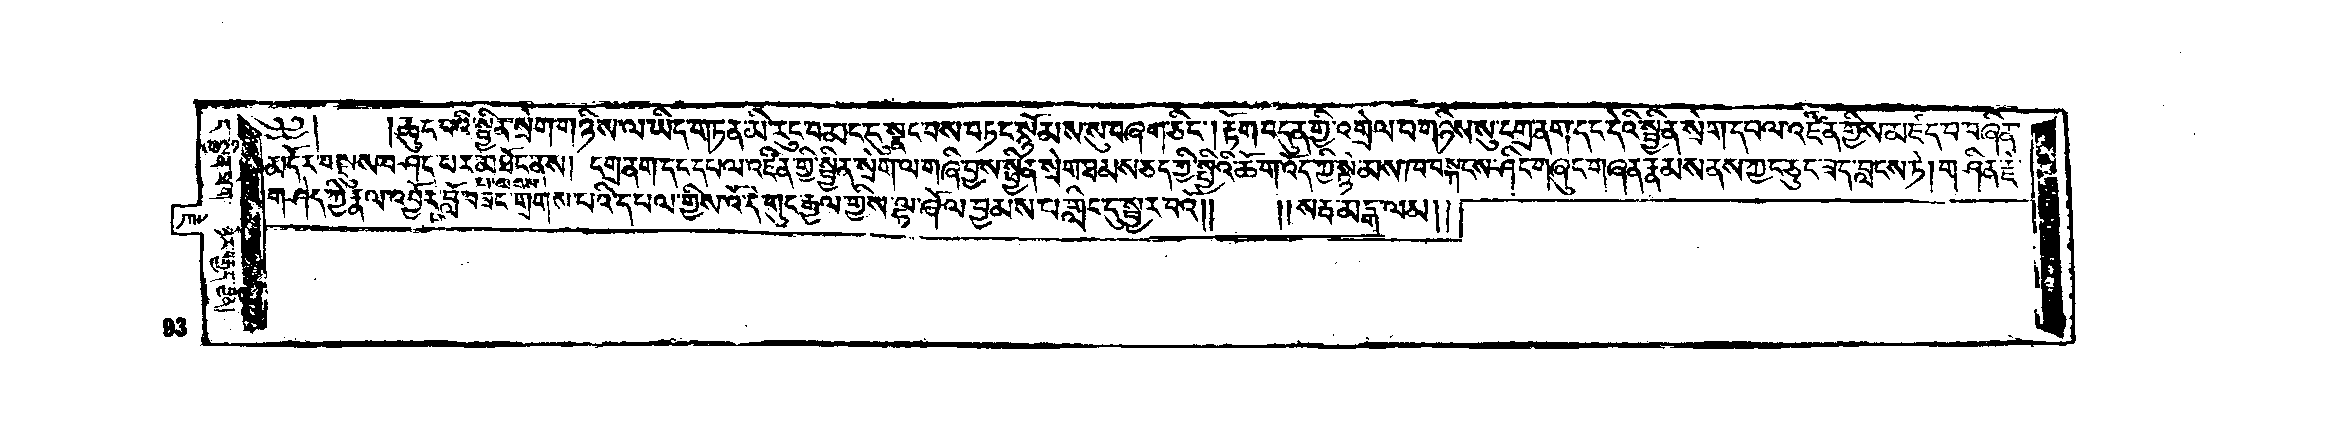༄༅། །ཆུང་བའི་སྦྱིན་སྲེག་གཉིས་ལ་ཡིད་གཏན་མི་རུང་བ་མང་དུ་སྣང་བས་བཏང་སྙོམས་སུ་བཞག་ཅིང་། རྟོག་བདུན་གྱི་འགྲེལ་པ་གཉིས་སུ་དགྲ་ནག་དང་དེའི་སྦྱིན་སྲེག་དཔལ་འཛིན་གྱིས་མཛད་པ་བཞིན་
མདོར་བསྡུས་བཤད་པར་མཐོང་པ་ལགས་ནས། ?་དགྲ་ནག་དང་དཔལ་འཛིན་གྱི་སྦྱིན་སྲེག་ལ་གཞི་བྱས་སྦྱིན་སྲེག་ཐམས་ཅད་ཀྱི་སྤྱིའི་ཆོ་ག་འོད་ཀྱི་སྙེ་མས་ཁ་བསྐངས་ཤིང་གཞུང་གཞན་རྣམས་ནས་ཀྱང་ཅུང་ཟད་བླངས་ཏེ། གཤིན་རྗེ་
གཤེད་ཀྱི་རྣལ་འབྱོར་བློ་བཟང་གྲགས་པའི་དཔལ་གྱིས་འོ་དེ་གུང་རྒྱལ་གྱིས་ལྷ་ཞོལ་བྱམས་པ་གླིང་དུ་སྦྱར་བའོ།། །།སརྦ་མངྒ་ལམ། །